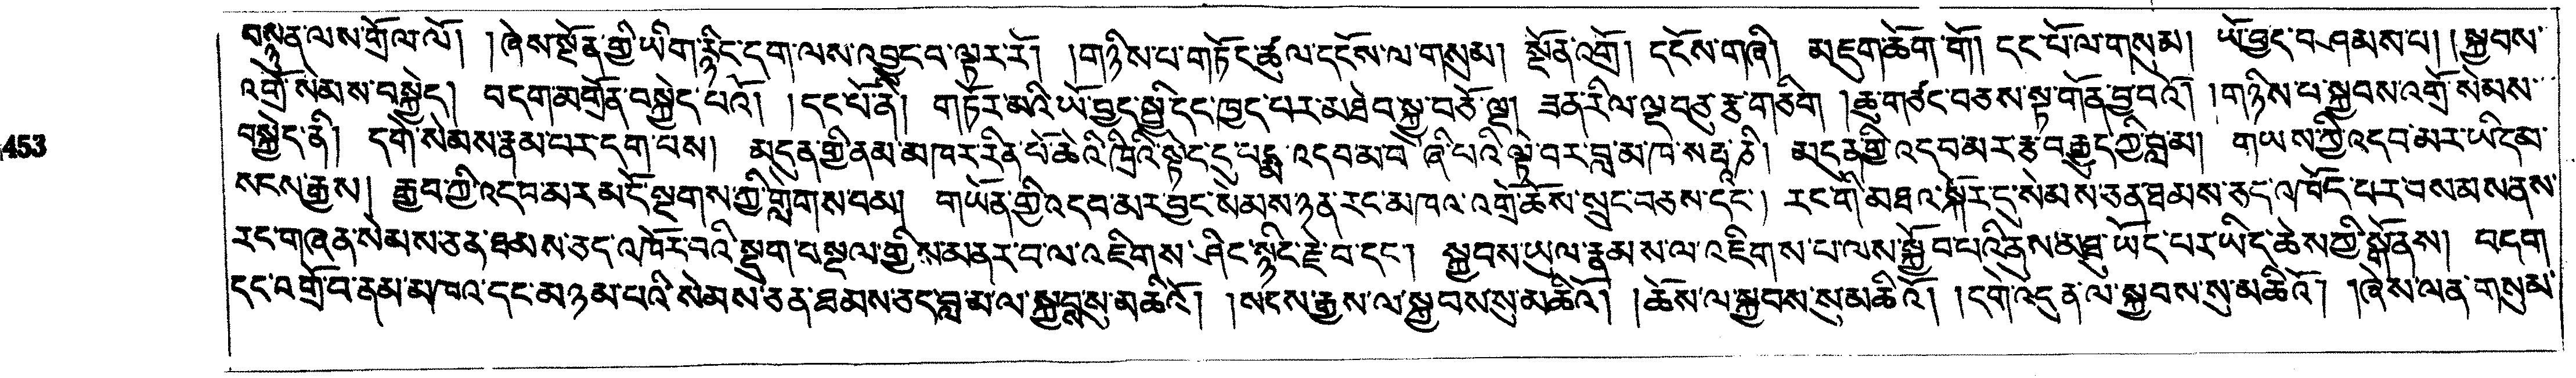བསྙན་ལས་གྲོལ་ལོ། །ཞེས་སྔོན་གྱི་ཡིག་རྙིང་དག་ལས་འབྱུང་བ་ལྟར་རོ། །གཉིས་པ་གཏོང་ཚུལ་དངོས་ལ་གསུམ། སྔོན་འགྲོ། དངོས་གཞི། མཇུག་ཆོག་གོ །དང་པོ་ལ་གསུམ། ཡོ་བྱད་བཤམས་པ། །སྐྱབས་
འགྲོ་སེམས་བསྐྱེད། བདག་མགྲོན་བསྐྱེད་པའོ། །དང་པོ་ནི། གཏོར་མའི་ཡོ་བྱད་སྤྱི་དང་ཁྱད་པར་མཐེབ་སྐྱ་བཅོ་ལྔ། ཟན་རིལ་ལྔ་བཅུ་རྩ་གཅིག །ཆུ་གཙང་བཅས་སྟ་གོན་བྱ་བའོ། །གཉིས་པ་སྐྱབས་འགྲོ་སེམས་
བསྐྱེད་ནི། དགེ་སེམས་རྣམ་པར་དག་པས། མདུན་གྱི་ནམ་མཁར་རིན་པོ་ཆེའི་ཁྲིའི་སྟེང་དུ་པདམ་འདབ་མ་བཞི་པའི་ལྟེ་བར་བླ་མ་ཁ་སརྦཱ་ཎི། མདུན་གྱི་འདབ་མར་རྩ་བརྒྱུད་ཀྱི་བླ་མ། གཡས་ཀྱི་འདབ་མར་ཡི་དམ་
སངས་རྒྱས། རྒྱབ་ཀྱི་འདབ་མར་མདོ་སྔགས་ཀྱི་གླེགས་བམ། གཡོན་གྱི་འདབ་མར་བྱང་སེམས་ཉན་རང་མཁའ་འགྲོ་ཆོས་སྲུང་བཅས་དང་། རང་གི་མཐའ་སྐོར་དུ་སེམས་ཅན་ཐམས་ཅད་འཁོད་པར་བསམས་ནས་
རང་གཞན་སེམས་ཅན་ཐམས་ཅད་འཁོར་བའི་སྡུག་བསྔལ་གྱིས་མནར་བ་ལ་འཇིགས་ཤིང་སྙིང་རྗེ་བ་དང་། སྐྱབས་ཡུལ་རྣམས་ལ་འཇིགས་པ་ལས་སྐྱོབ་པའི་ནུས་མཐུ་ཡོད་པར་ཡིད་ཆེས་ཀྱི་སྒོ་ནས། བདག་
དང་འགྲོ་བ་ནམ་མཁའ་དང་མཉམ་པའི་སེམས་ཅན་ཐམས་ཅད་བླ་མ་ལ་སྐྱབས་སུ་མཆིའོ། །སངས་རྒྱས་ལ་སྐྱབས་སུ་མཆིའོ། །ཆོས་ལ་སྐྱབས་སུ་མཆིའོ། །དགེ་འདུན་ལ་སྐྱབས་སུ་མཆིའོ། །ཞེས་ལན་གསུམ་